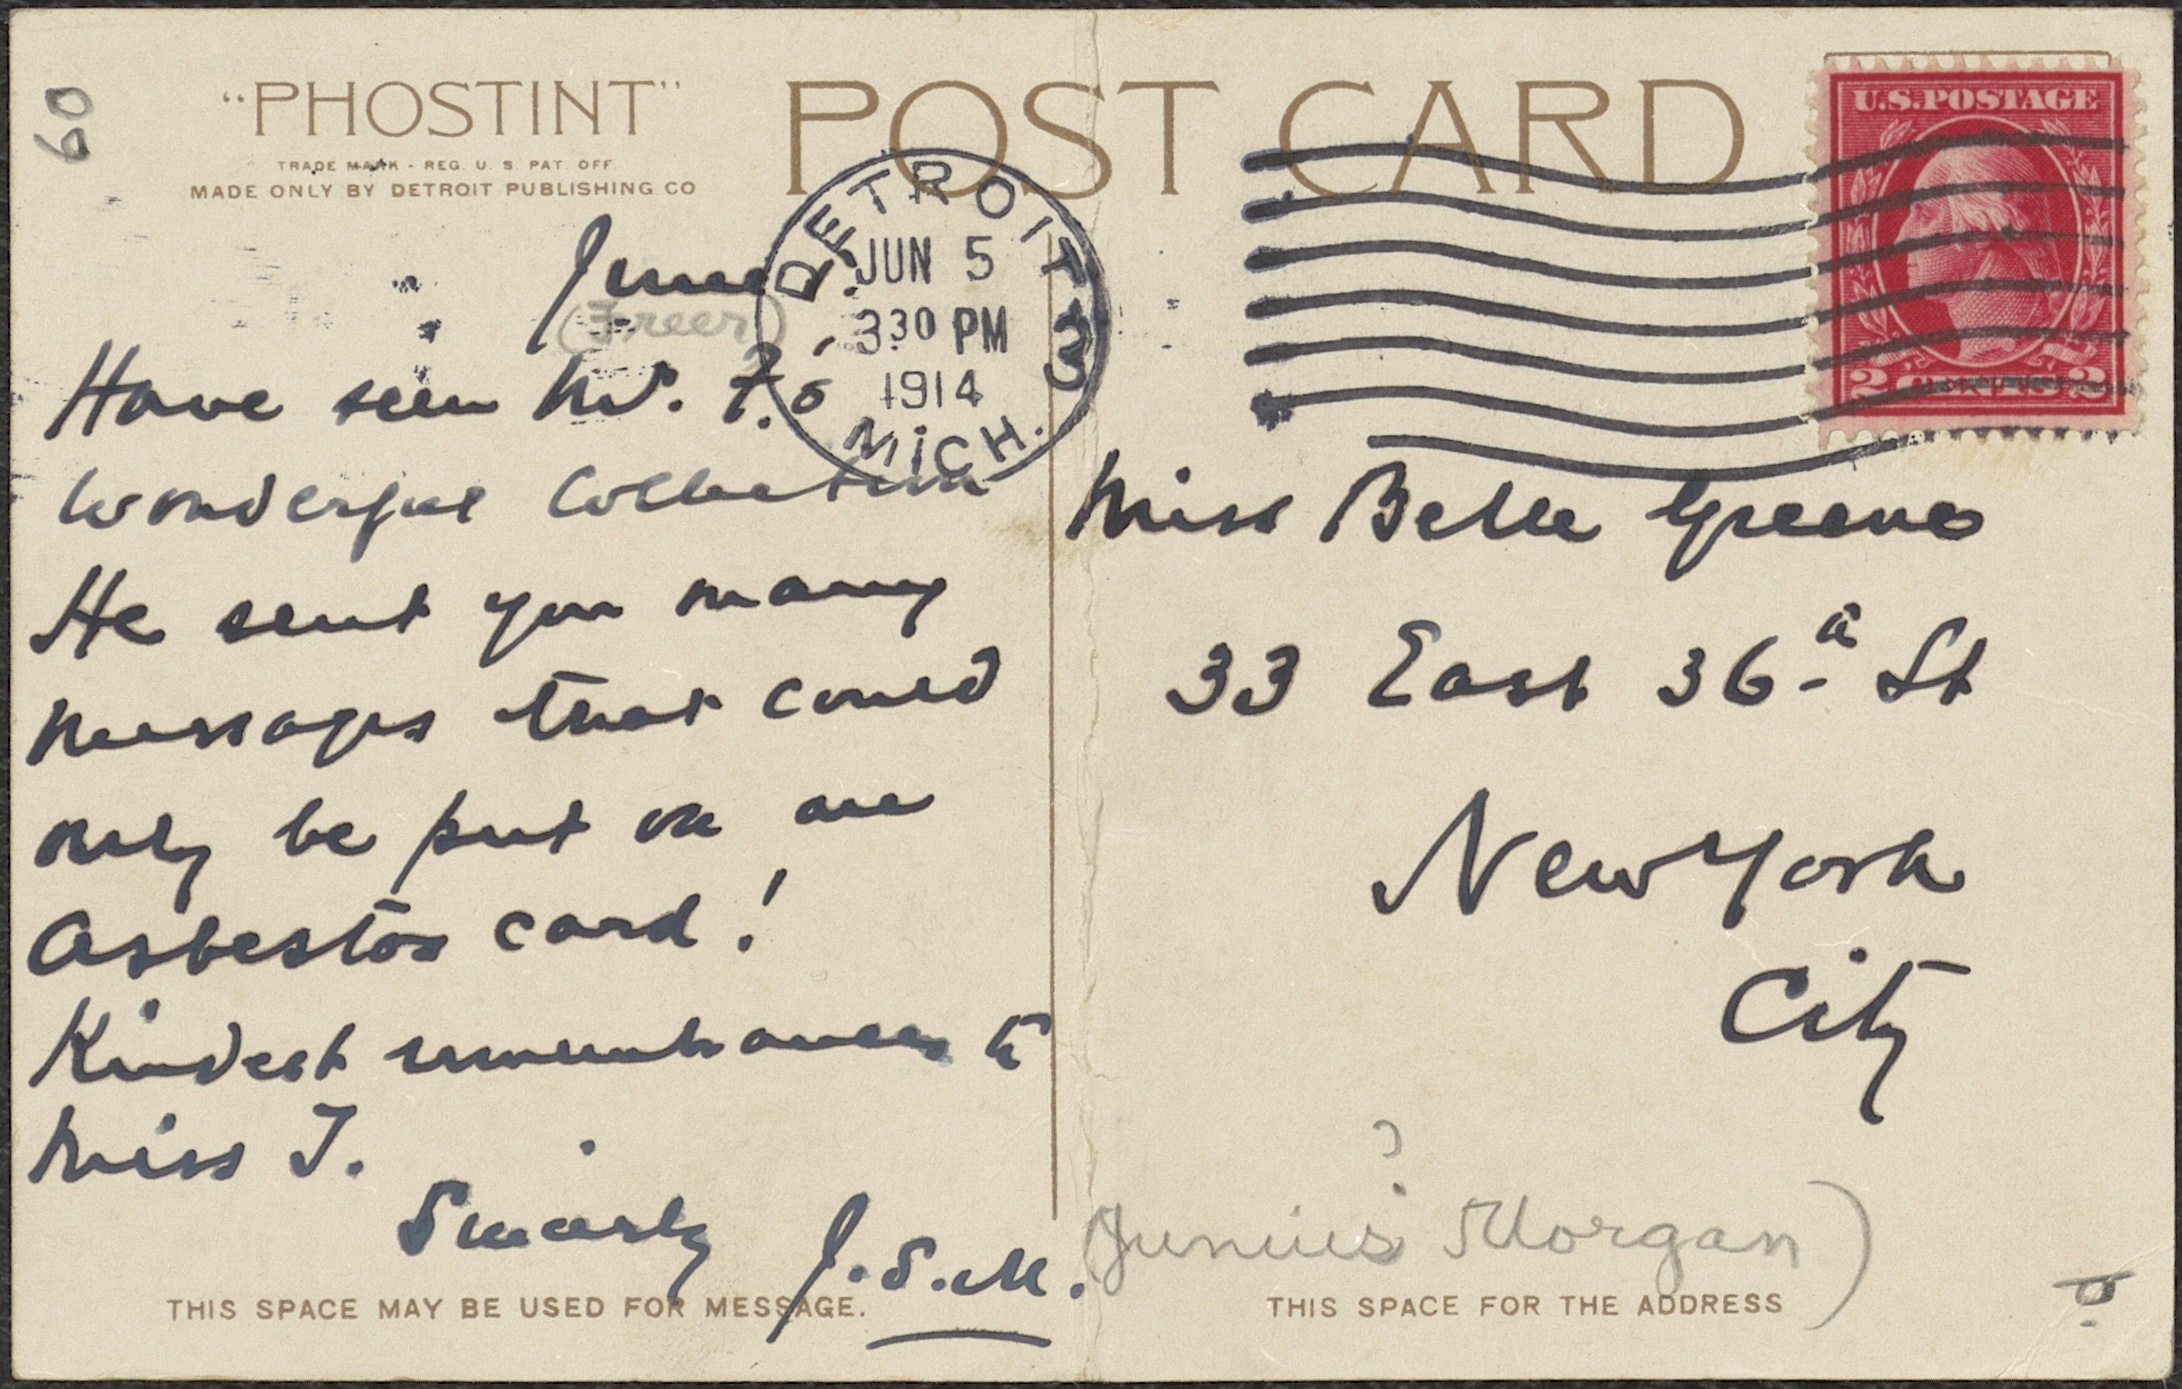[stamped: DETROIT
JUN 5
3.30 PM
1914
MICH.]
[left side:
June 5.
Have seen Mr. F’s wonderful collection He sent you many messages that could only be put on an Asbestos card!
Kindest remembrances to Miss T.
Sincerely
J.S.M.]
[right side:
Miss Belle Greene
33 East 36th. St
New York
City]